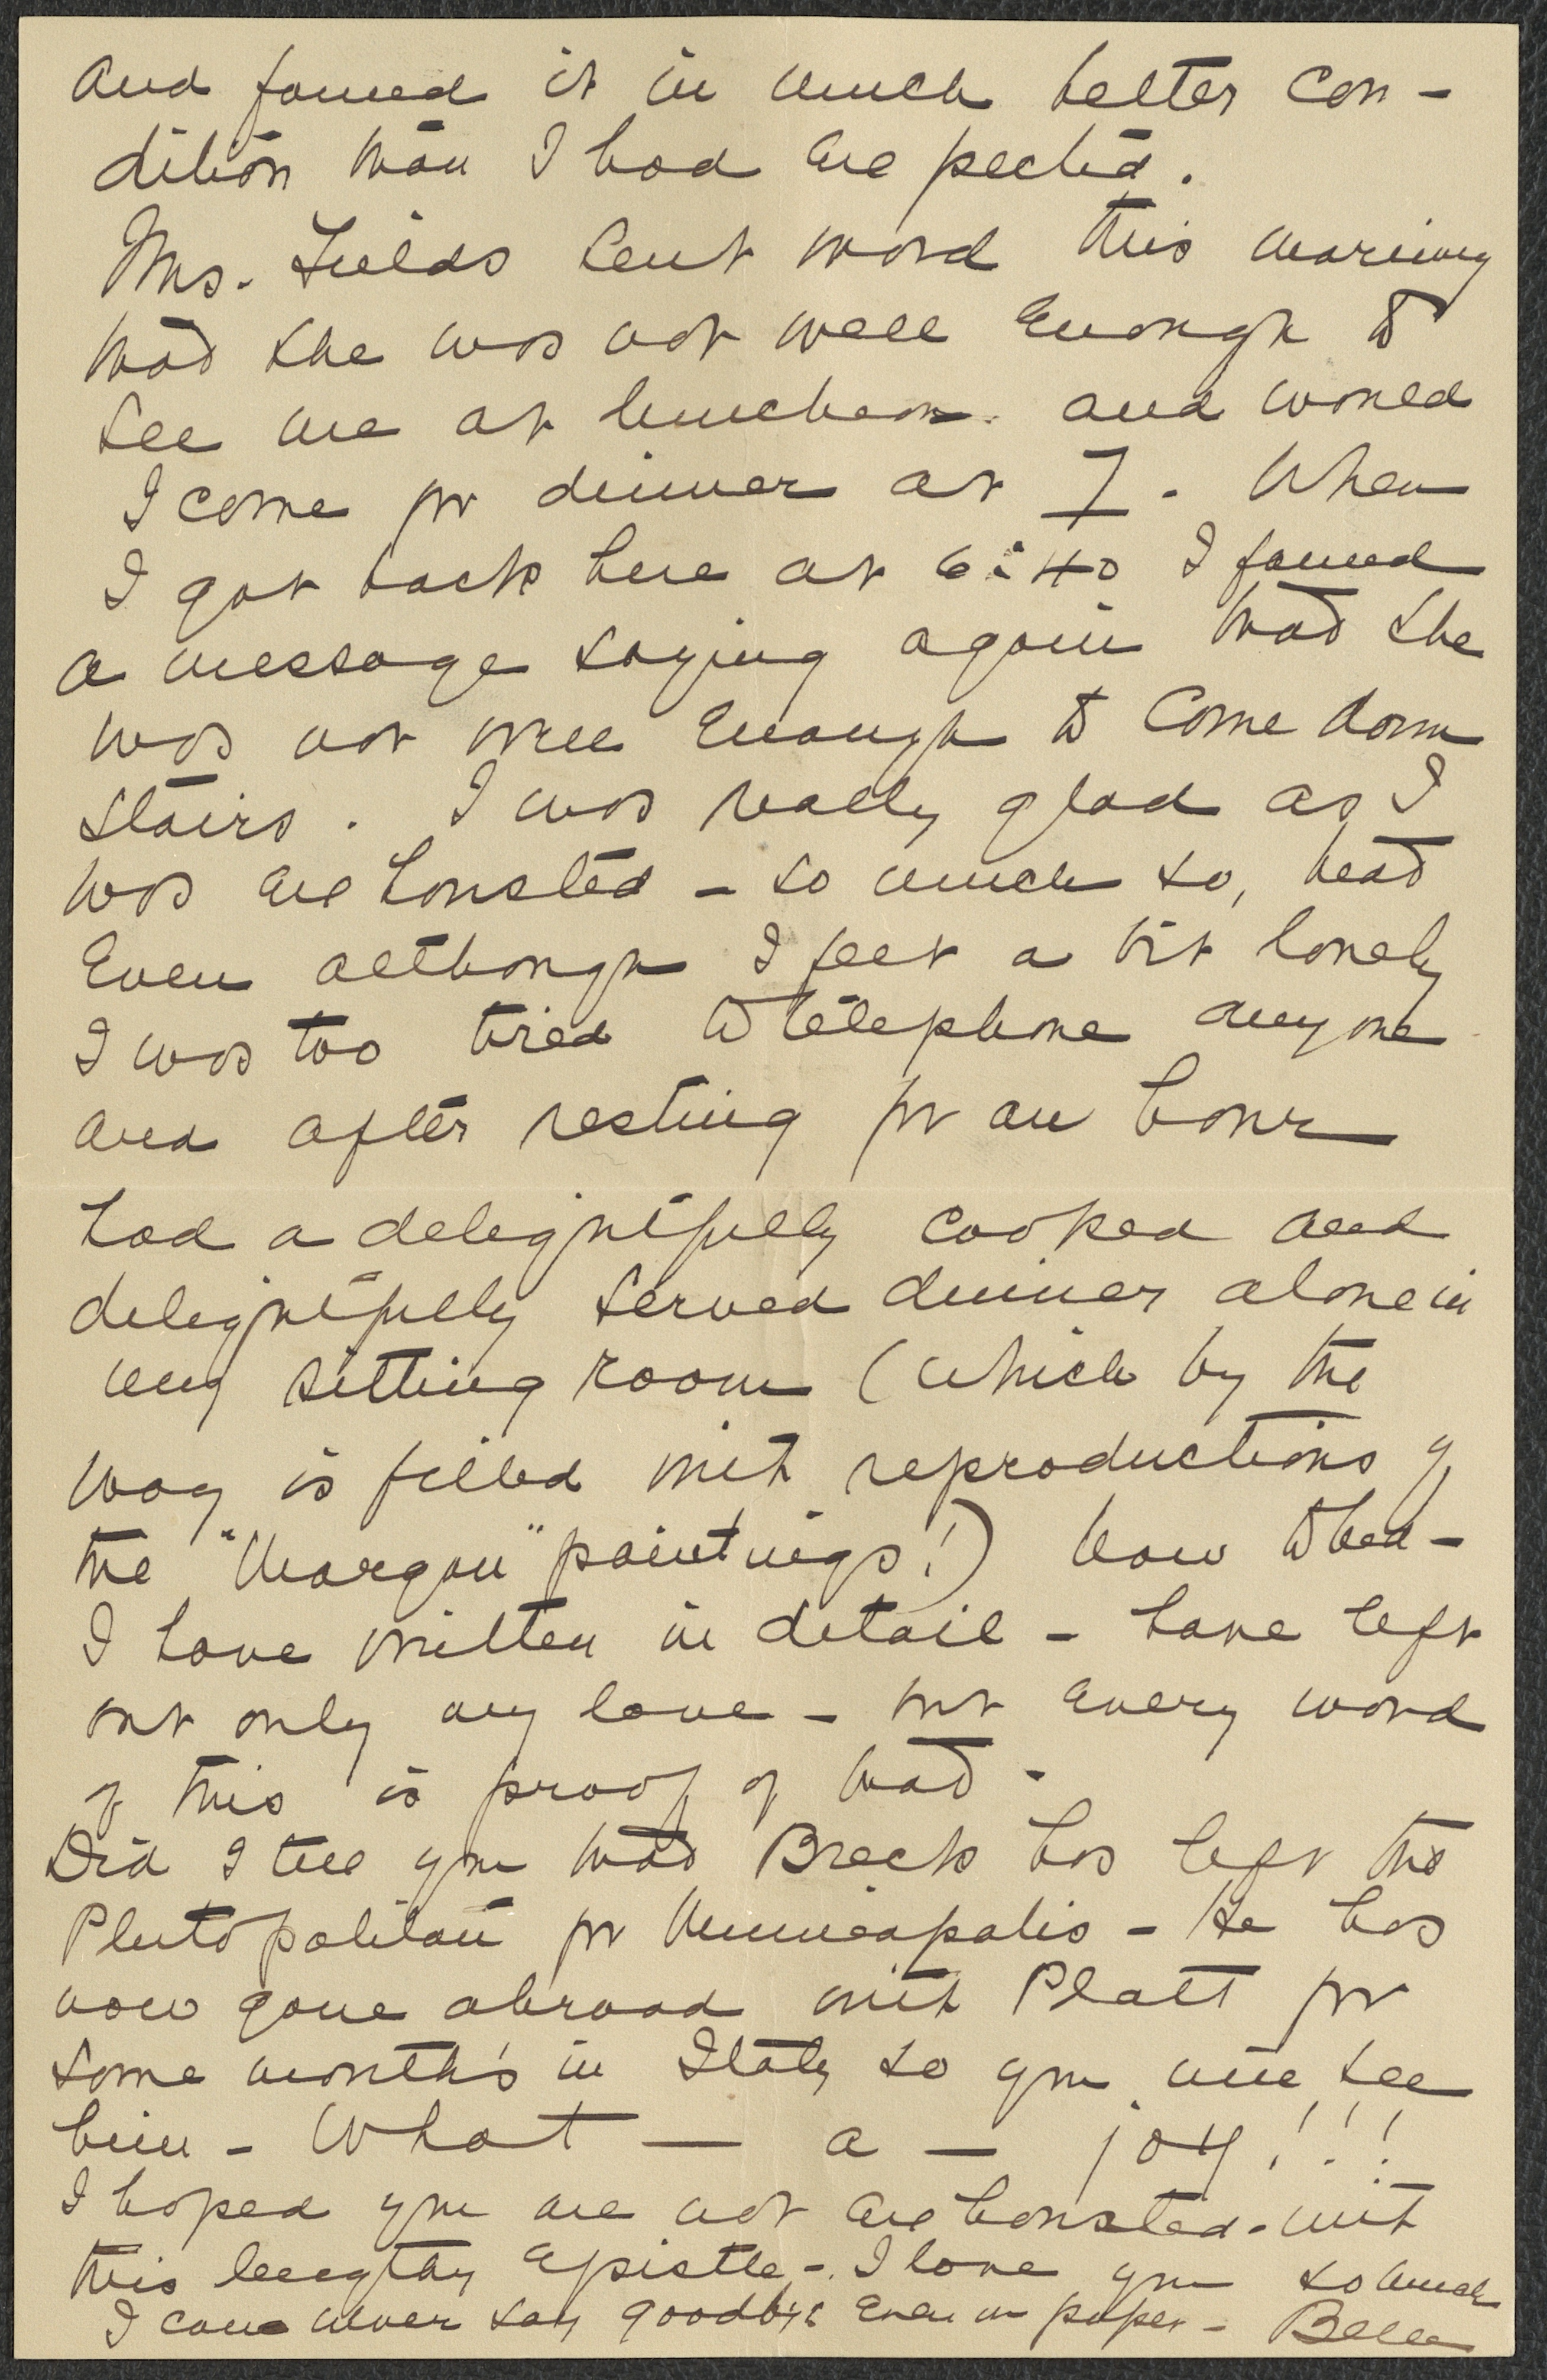and found it in much better condition than I had expected.
Ms. Fields sent word this morning that she was not well enough to see me at luncheon and would I come for dinner at 7. When I got back here at 6:40 I found a message saying again that she was not well enough to come down stairs. I was really glad as I was exhausted – so much so, that even although I felt a bit lonely I was too tired to telephone anyone and after resting for an hour had a delightfully cooked and delightfully served dinner alone in my sitting room (which by the way is filled with reproductions of the “Morgan” paintings!) Now to bed – I have written in detail – have left out only my love – but every word of this is proof of that –
Did I tell you that Breck has left the Plutopolitan for Minneapolis – He has now gone abroad with Platt for some months in Italy so you will see him – what – a – joy!!!
I hoped you are not exhausted with this lengthy epistle – I love you so much I can never say goodbye even on paper – Belle